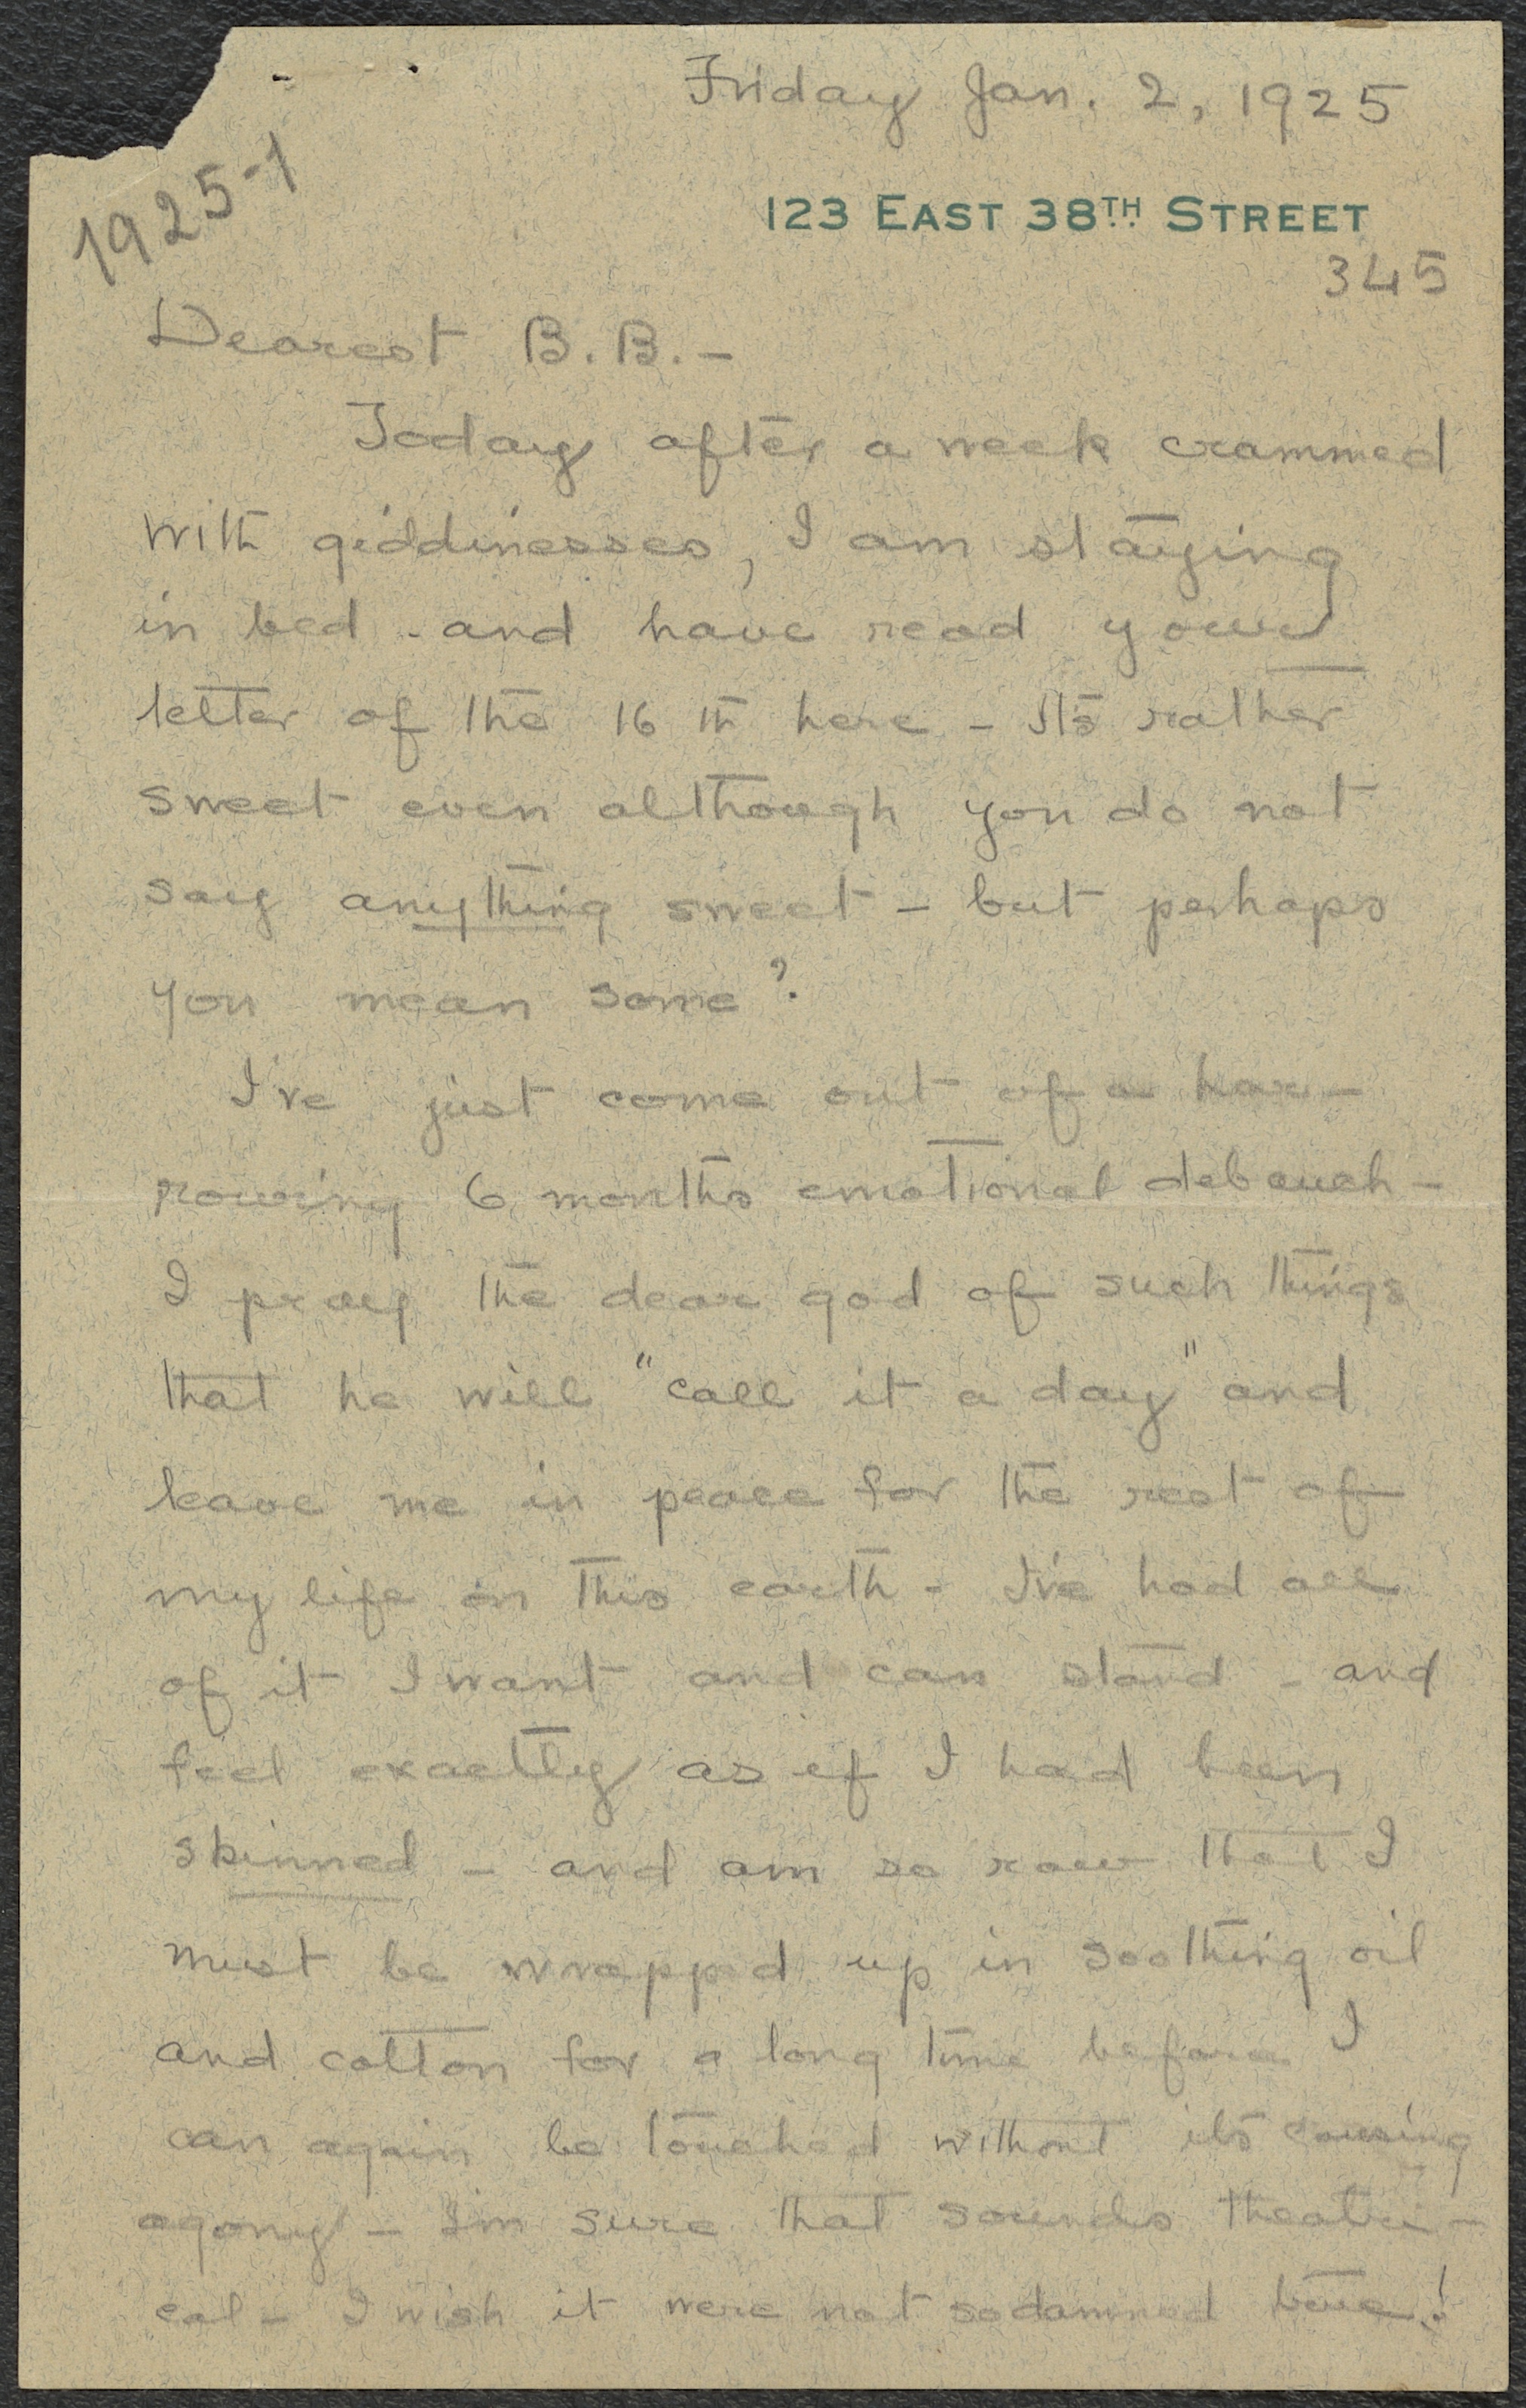Friday Jan. 2, 1925
Dearest B.B. –
Today after a week crammed with giddinesses, I am staying in bed – and have read your letter of the 16th here – It's rather sweet even although you do not say anything sweet – but perhaps you mean some?
I’ve just come out of a harrowing 6 months emotional debauch – I pray the dear god of such things that he will “call it a day” and leave me in peace for the rest of my life on this earth – I’ve had all of it I want and can stand – and feel exactly as if I had been skinned – and am so raw that I must be wrapped up in soothing oil and cotton for a long time before I can again be touched without its causing agony – I’m sure that sounds theatrical – I wish it were not so damned true!